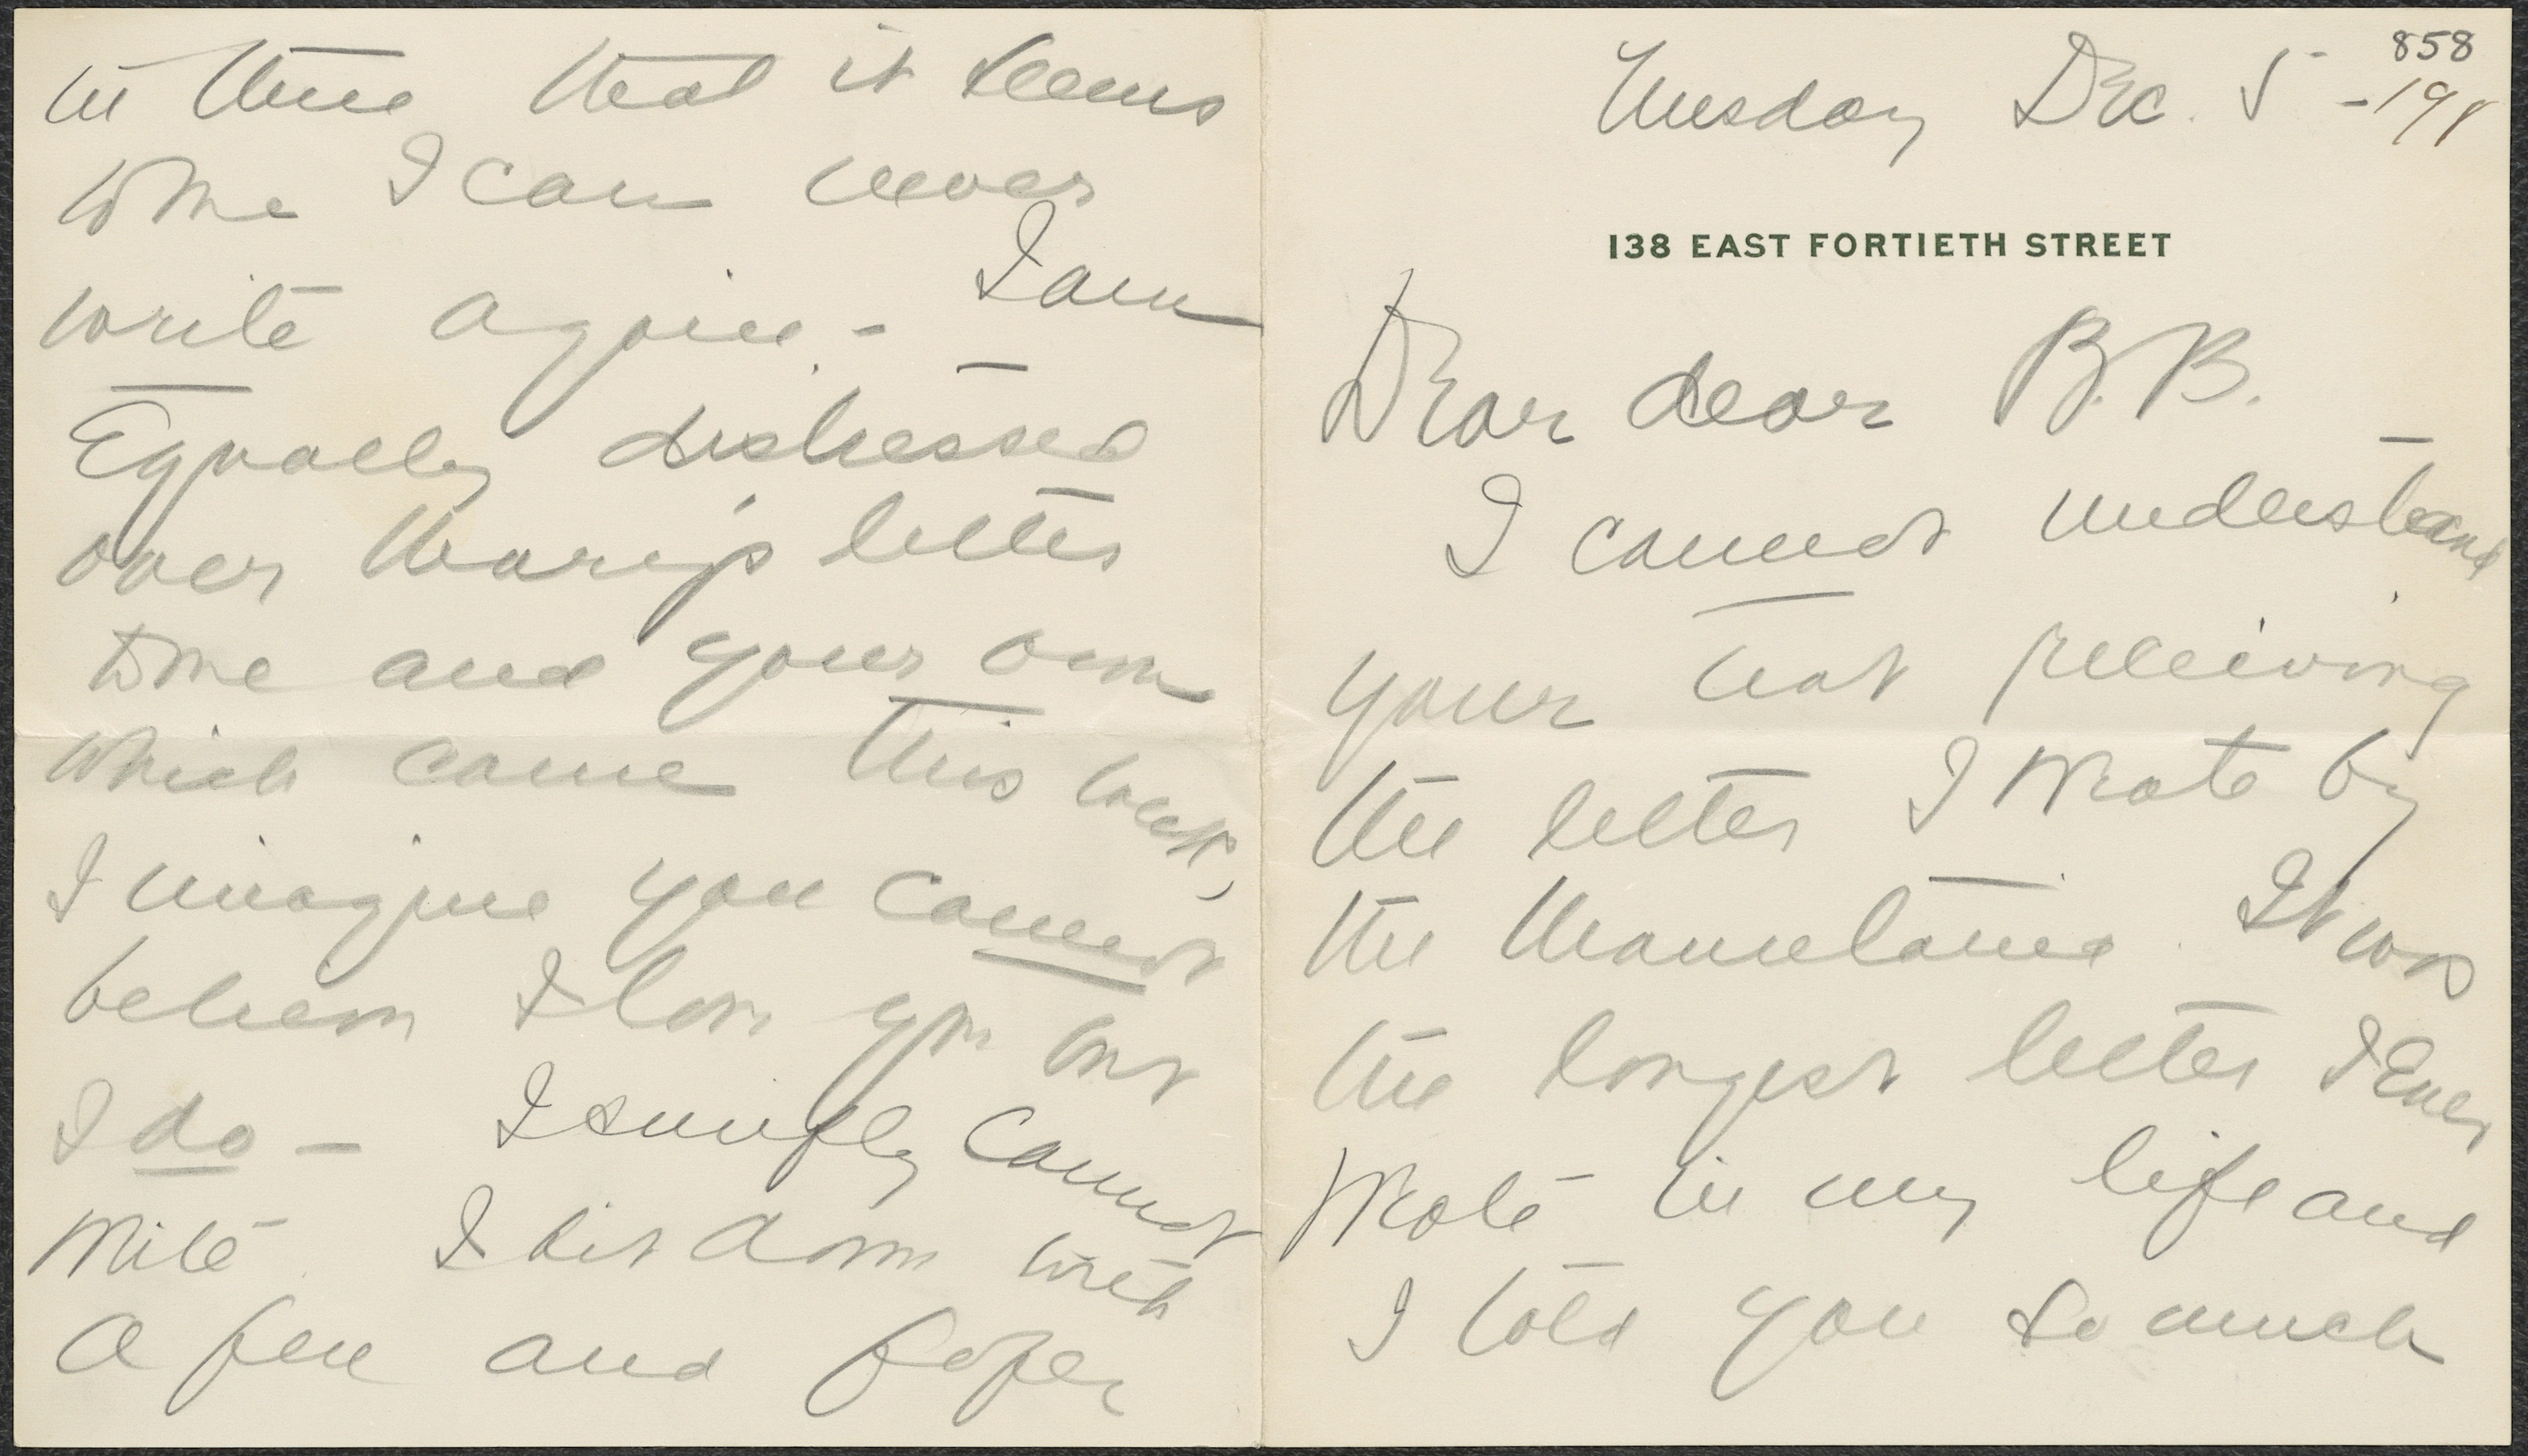Tuesday Dec. 5
Dear dear B. B.
I cannot understand your not receiving the letter I wrote by the Mauretania. It was the longest letter I ever wrote in my life and I told you so much
in there that it seems to me I can never write again – I am equally distressed over Mary’s letter to me and your own which came this week, I imagine you cannot believe I love you but I do – I simply cannot write. I sit down with a pen and paper